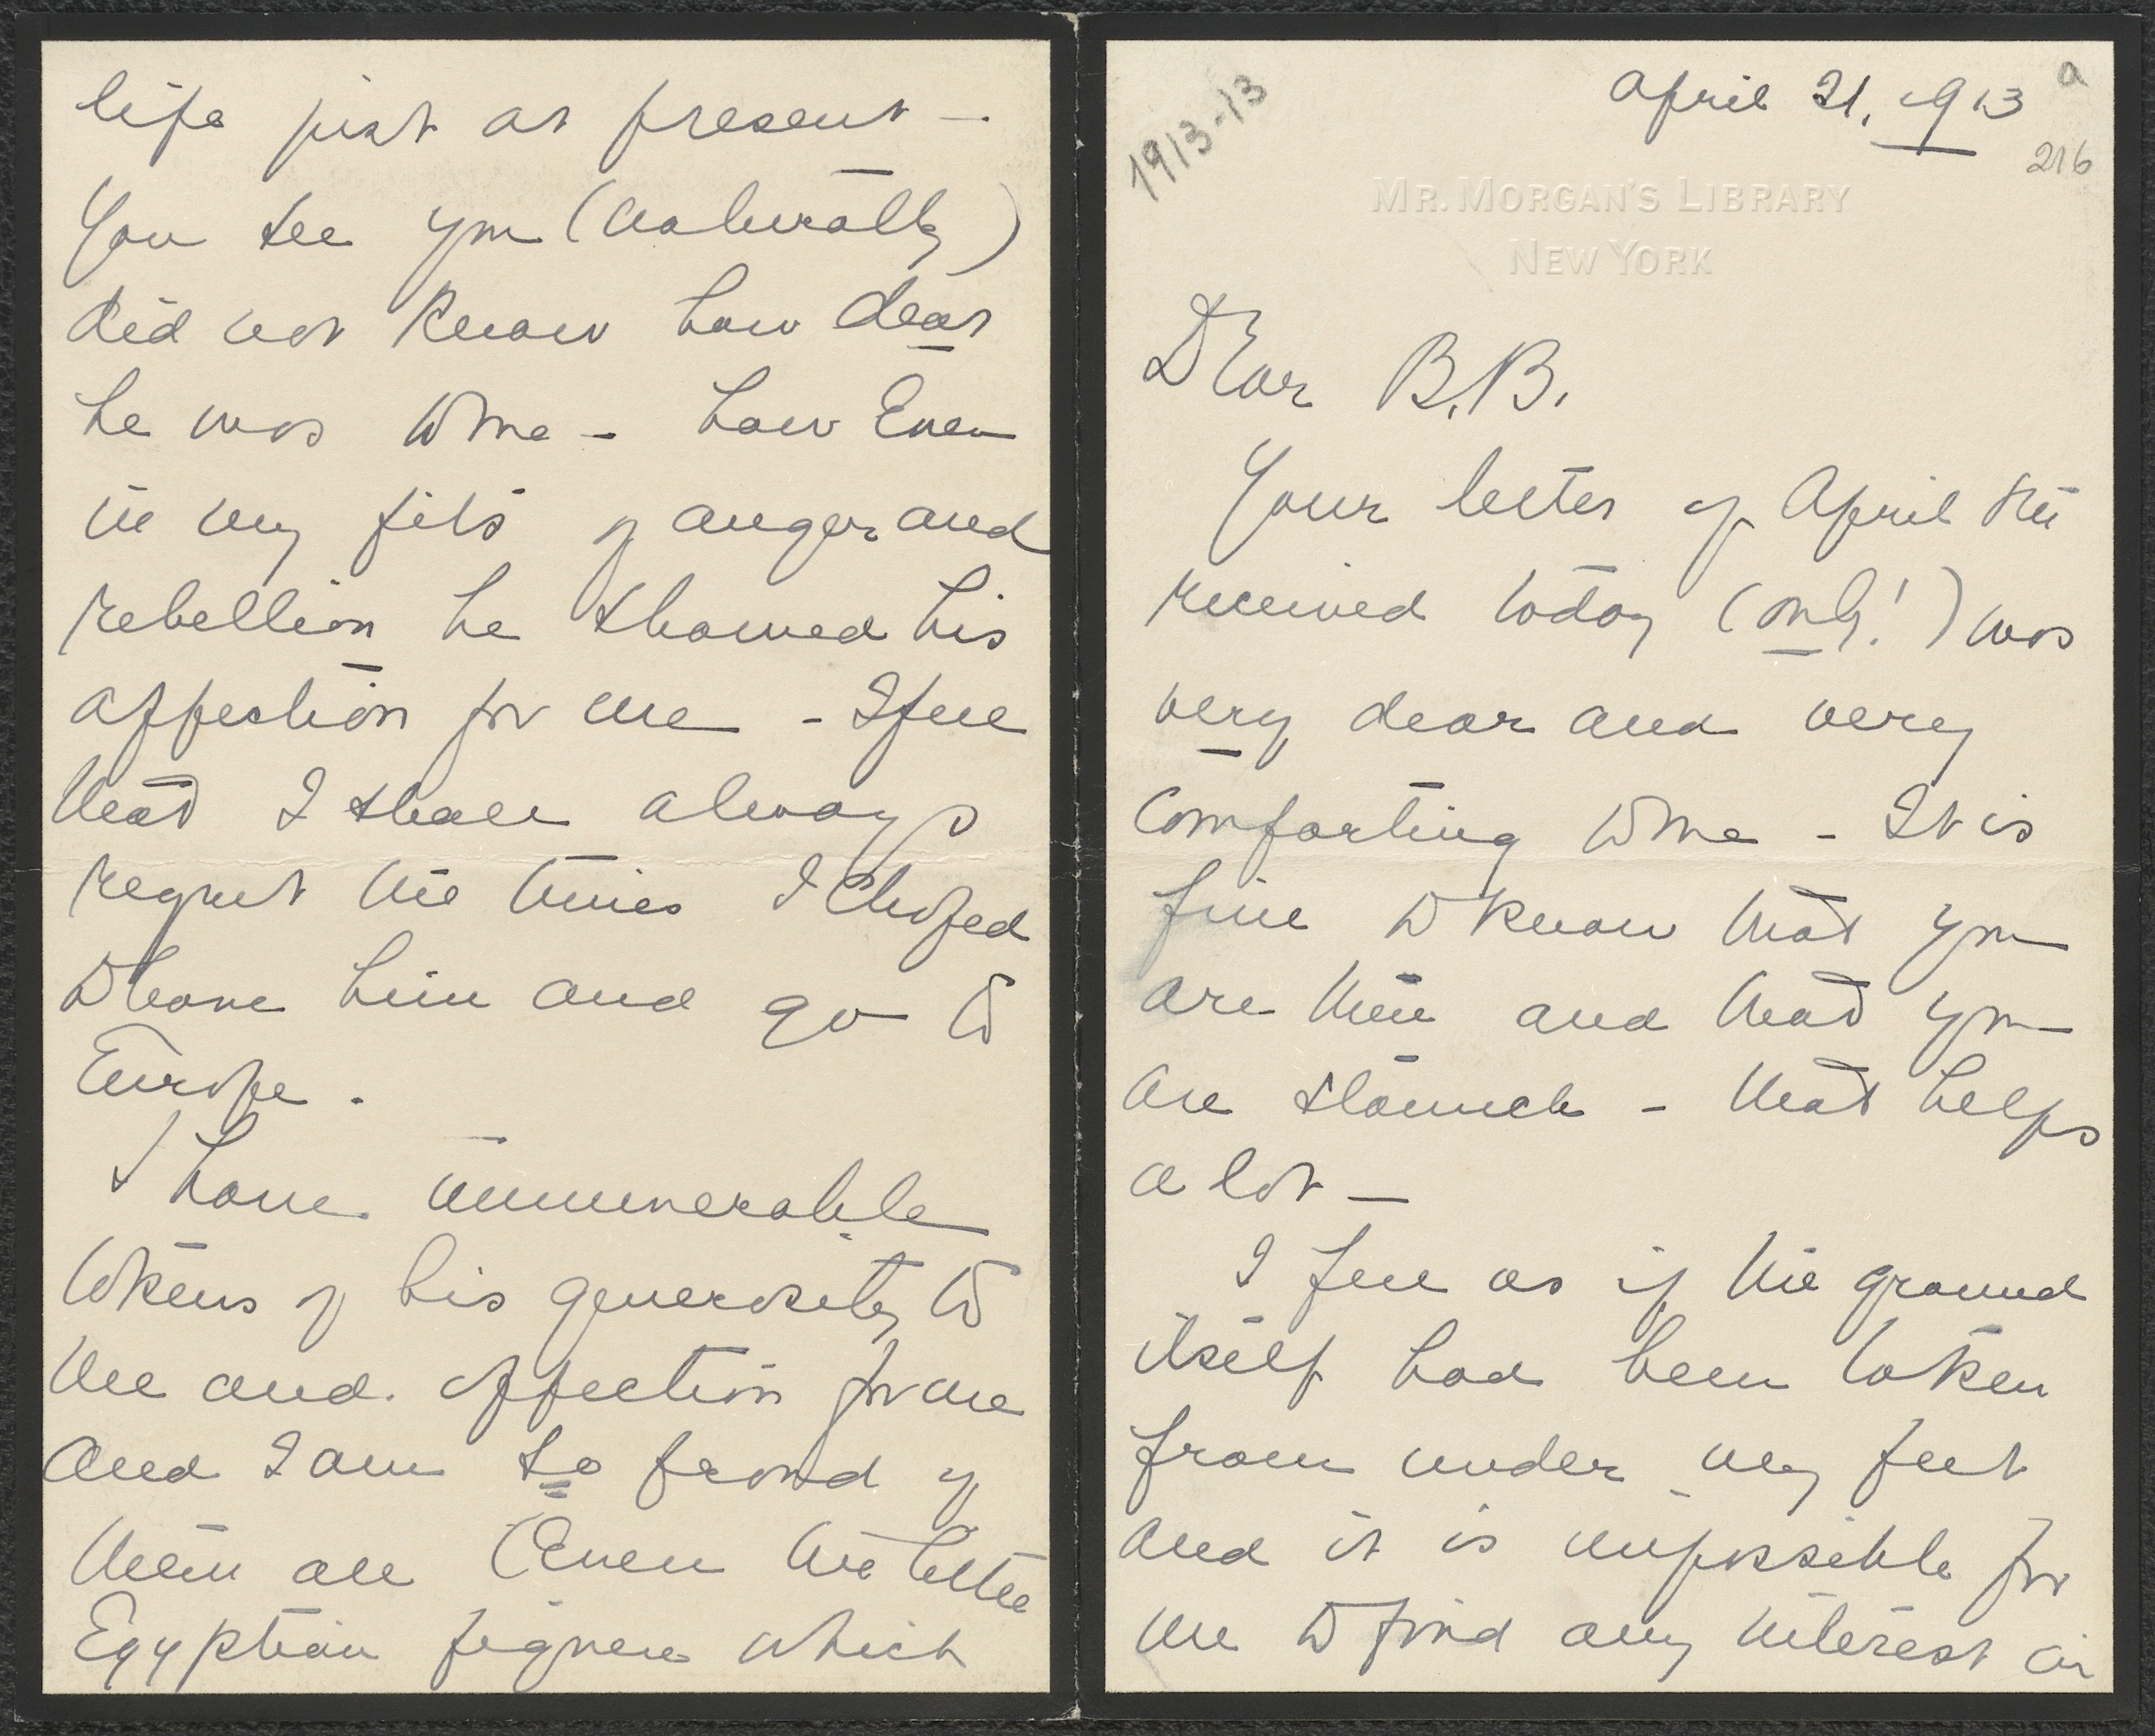April 21, 1913
Dear B. B.
Your letter of April 8th received today (only!) was very dear and very comforting to me – It is fine to know that you are there and that you are staunch – that helps a lot –
I feel as if the ground itself had been taken from under my feet and it is impossible for me to find any interest in
life just as present – you see you (naturally) did not know how dear he was to me – how even in my fits of anger and rebellion he showed his affection for me – I feel that I shall always regret the times I chafed to leave him and go to Europe.
I have innumerable tokens of his generosity to me and affection for me and I am [double underlined: so] fond of them all (even the little Egyptian figure which